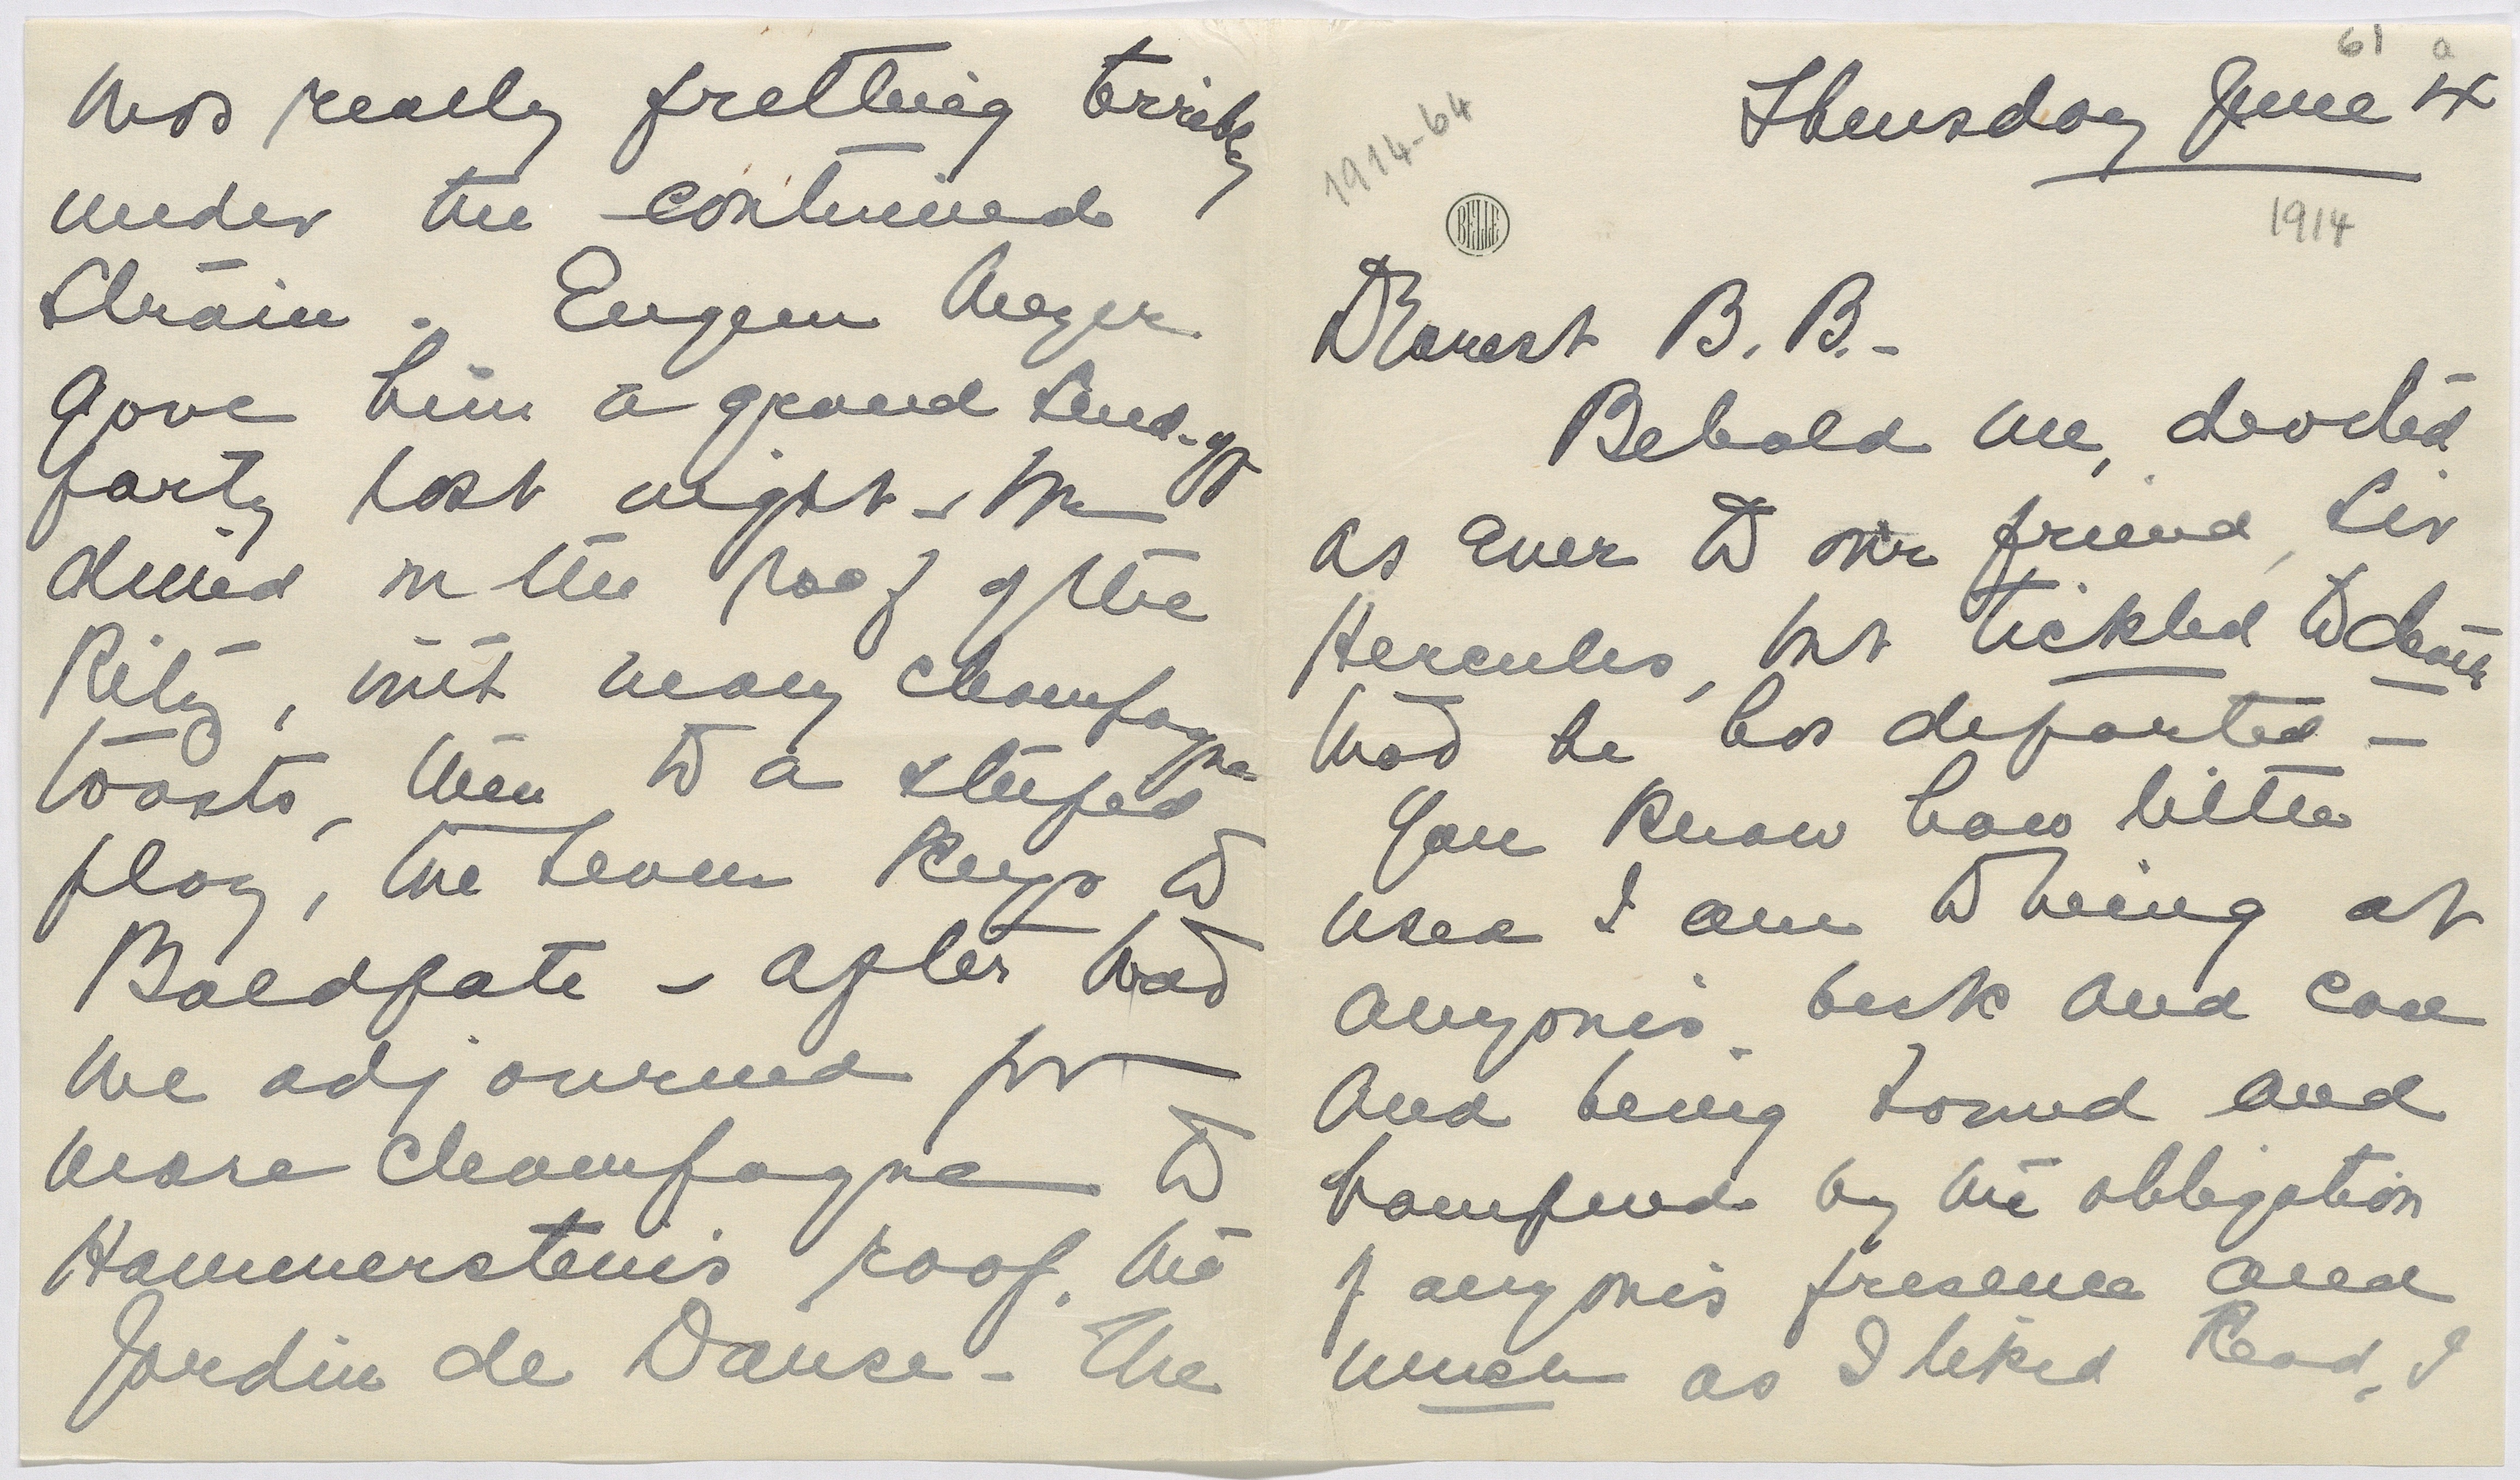Thursday June 4
Dearest B. B. –
Behold me, devoted as ever to our friend, Sir Hercules, but tickled to death that he has departed – you know how little used I am to being at anyone’s beck and call and being lowed and hampered by the obligation of anyone’s pressure and much as I liked Read, I
was really fretting terribly under the continued strain. Eugene Meyer gave him a grand send-off party last night – we dined on the roof of the Ritz, with many champagne toasts, then to a stupid play, the Seven Keys to Baldpate – after that we adjourned for more champagne to Hammerstein’s roof, the Jardin de Danse – the